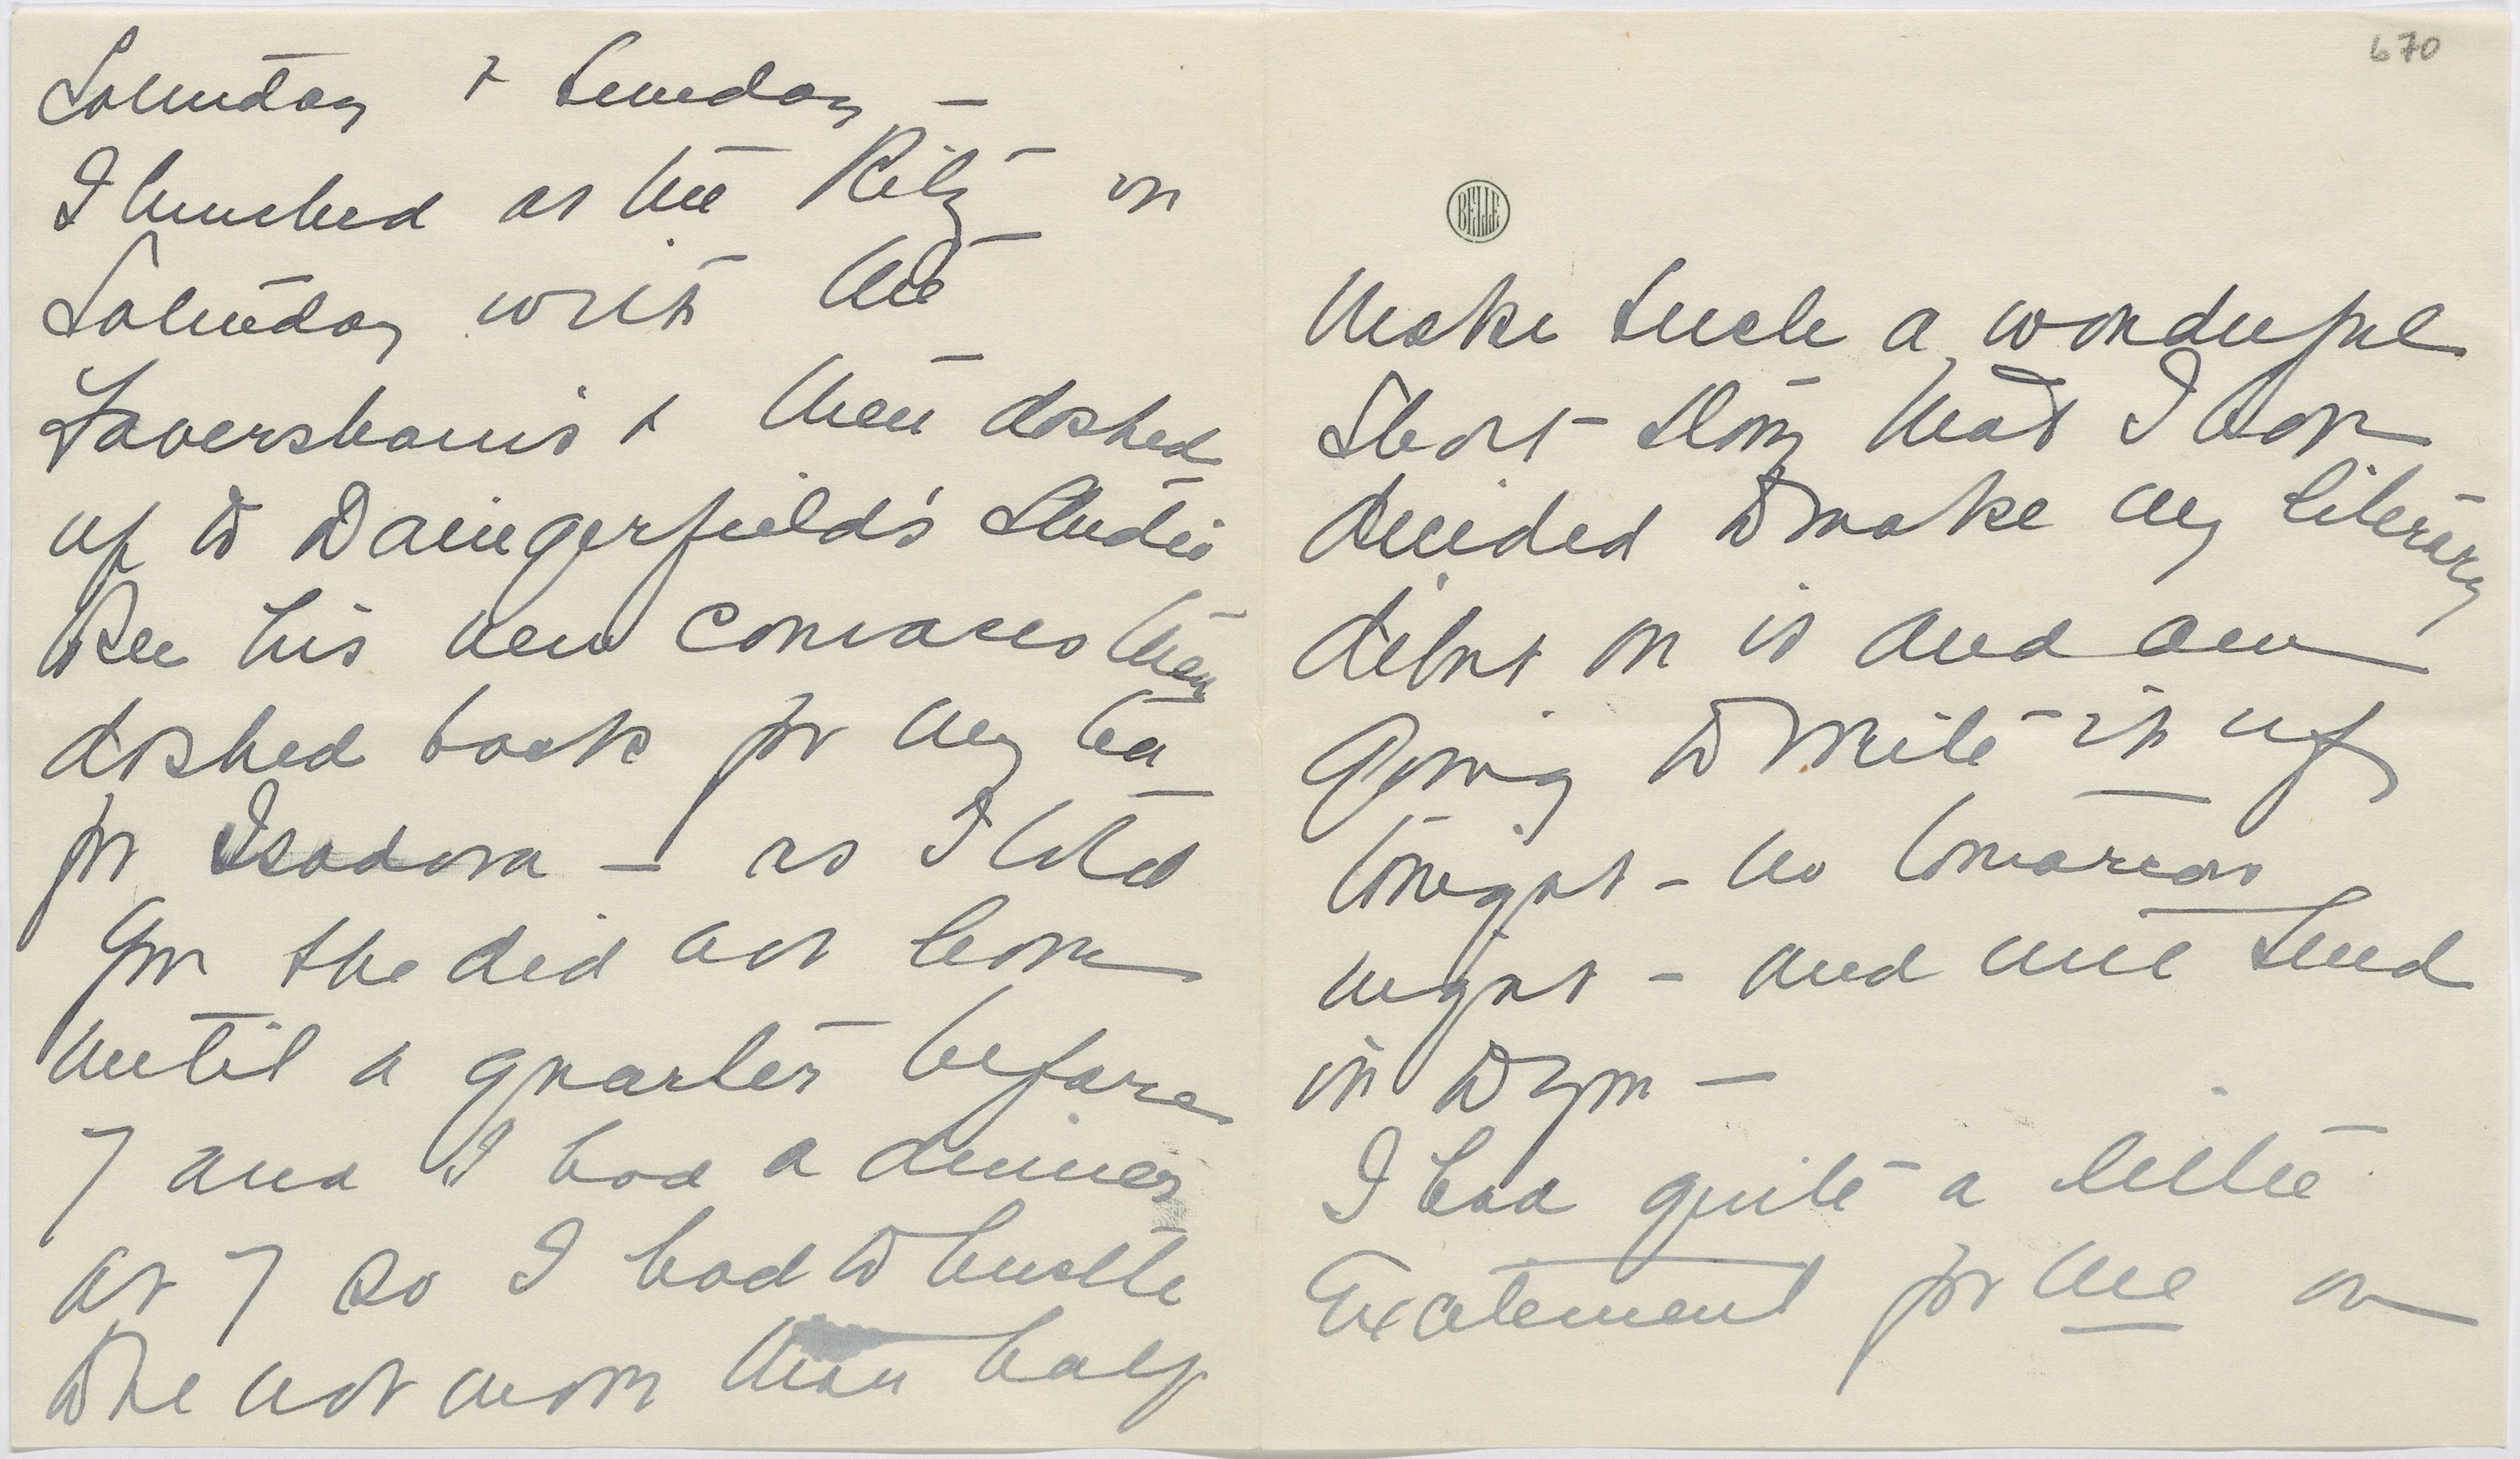make such a wonderful short story that I have decided to make my literary début on it and am going to write it up tonight – no tomorrow night – and will send it to you –
I had quite a little excitement for me on
Saturday & Sunday –
I lunched at the Ritz on Saturday with the Faversham’s & then dashed up to Daingerfield’s Studio to see his new canvases then dashed back for my tea for Isadora – as I told You she did not leave until a quarter before 7 and I had a dinner at 7 so I had to hustle to be not more than half